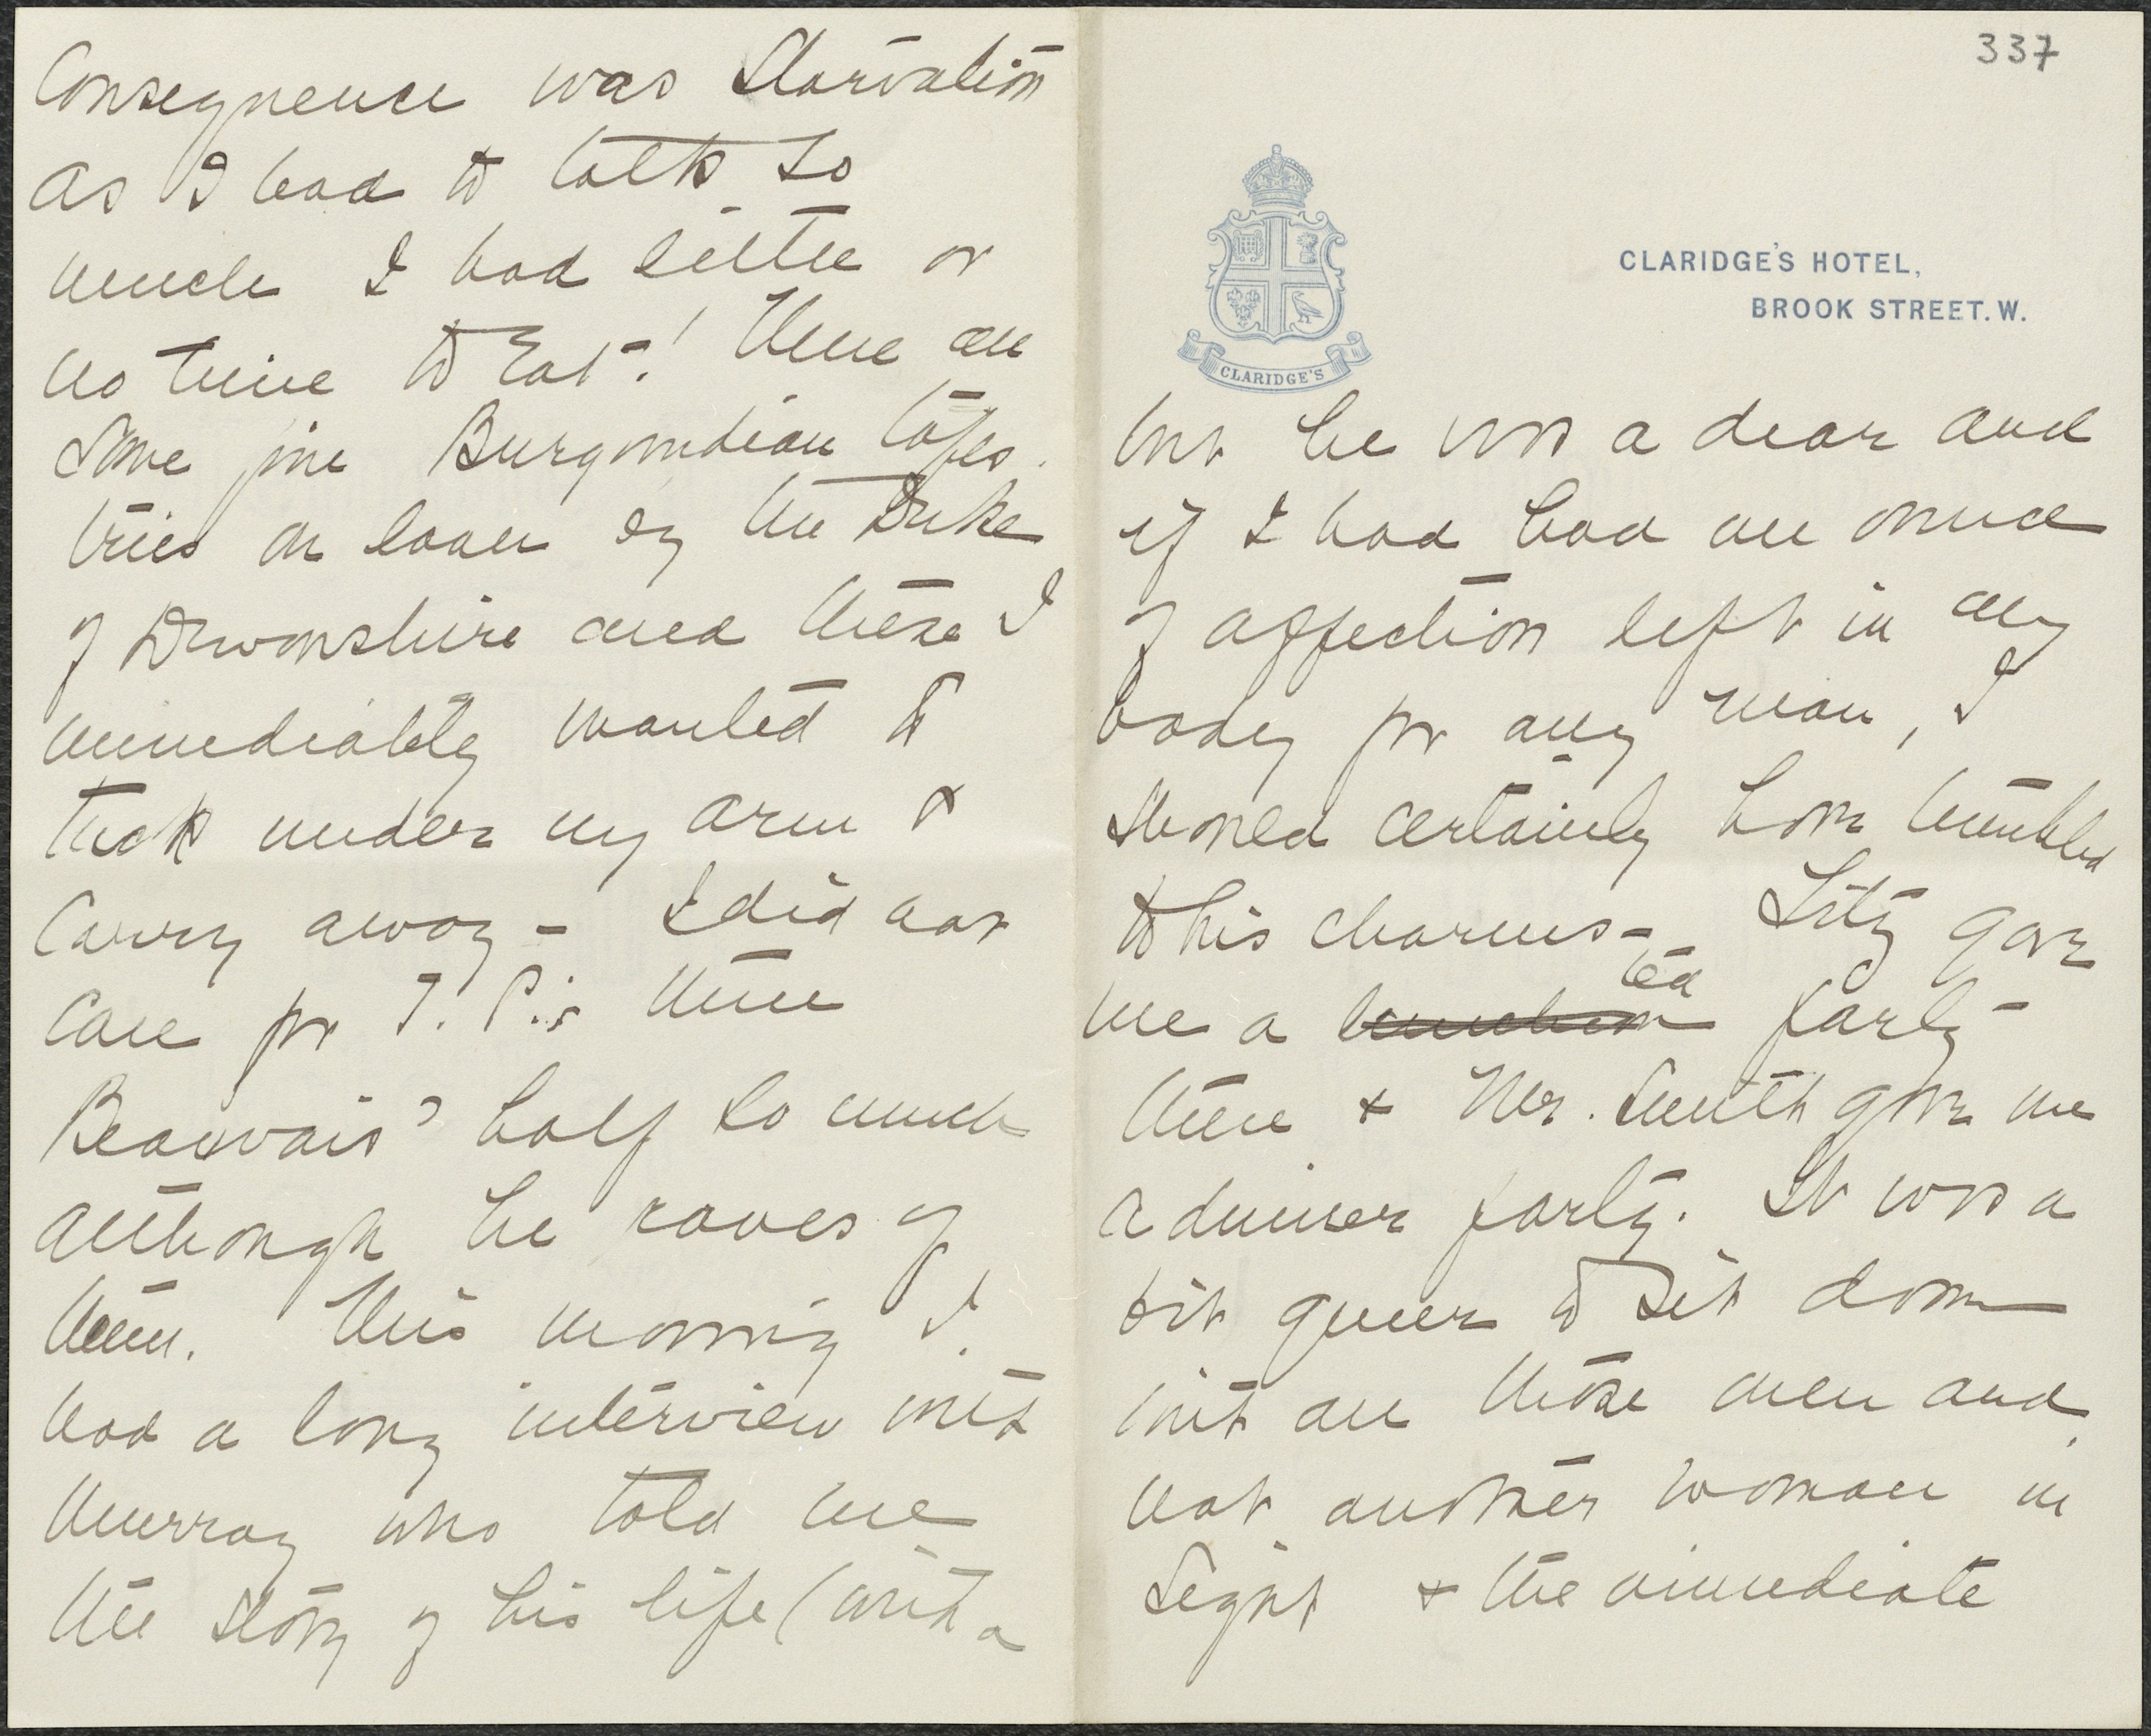but he was a dear and if I had had an ounce of affection left in my body for any man, I should certainly have trembled to his charms – Fitz gave me a luncheon [ˆteaˆ] party there & Mr. Smith gave me a dinner party. It was a bit queer to sit won with all those men and not another woman in sight & the immediate
consequence was starvation as I had to talk so much I had little or no time to eat! There are some fine Burgundian tapestries on loan by the Duke of Devonshire and these I immediately wanted to tuck under my arm & carry away – I did not care for J. P.’s three Beauvais’ half so much although he raves of them. This morning I had a long interview with Murray who told me the story of his life (with a